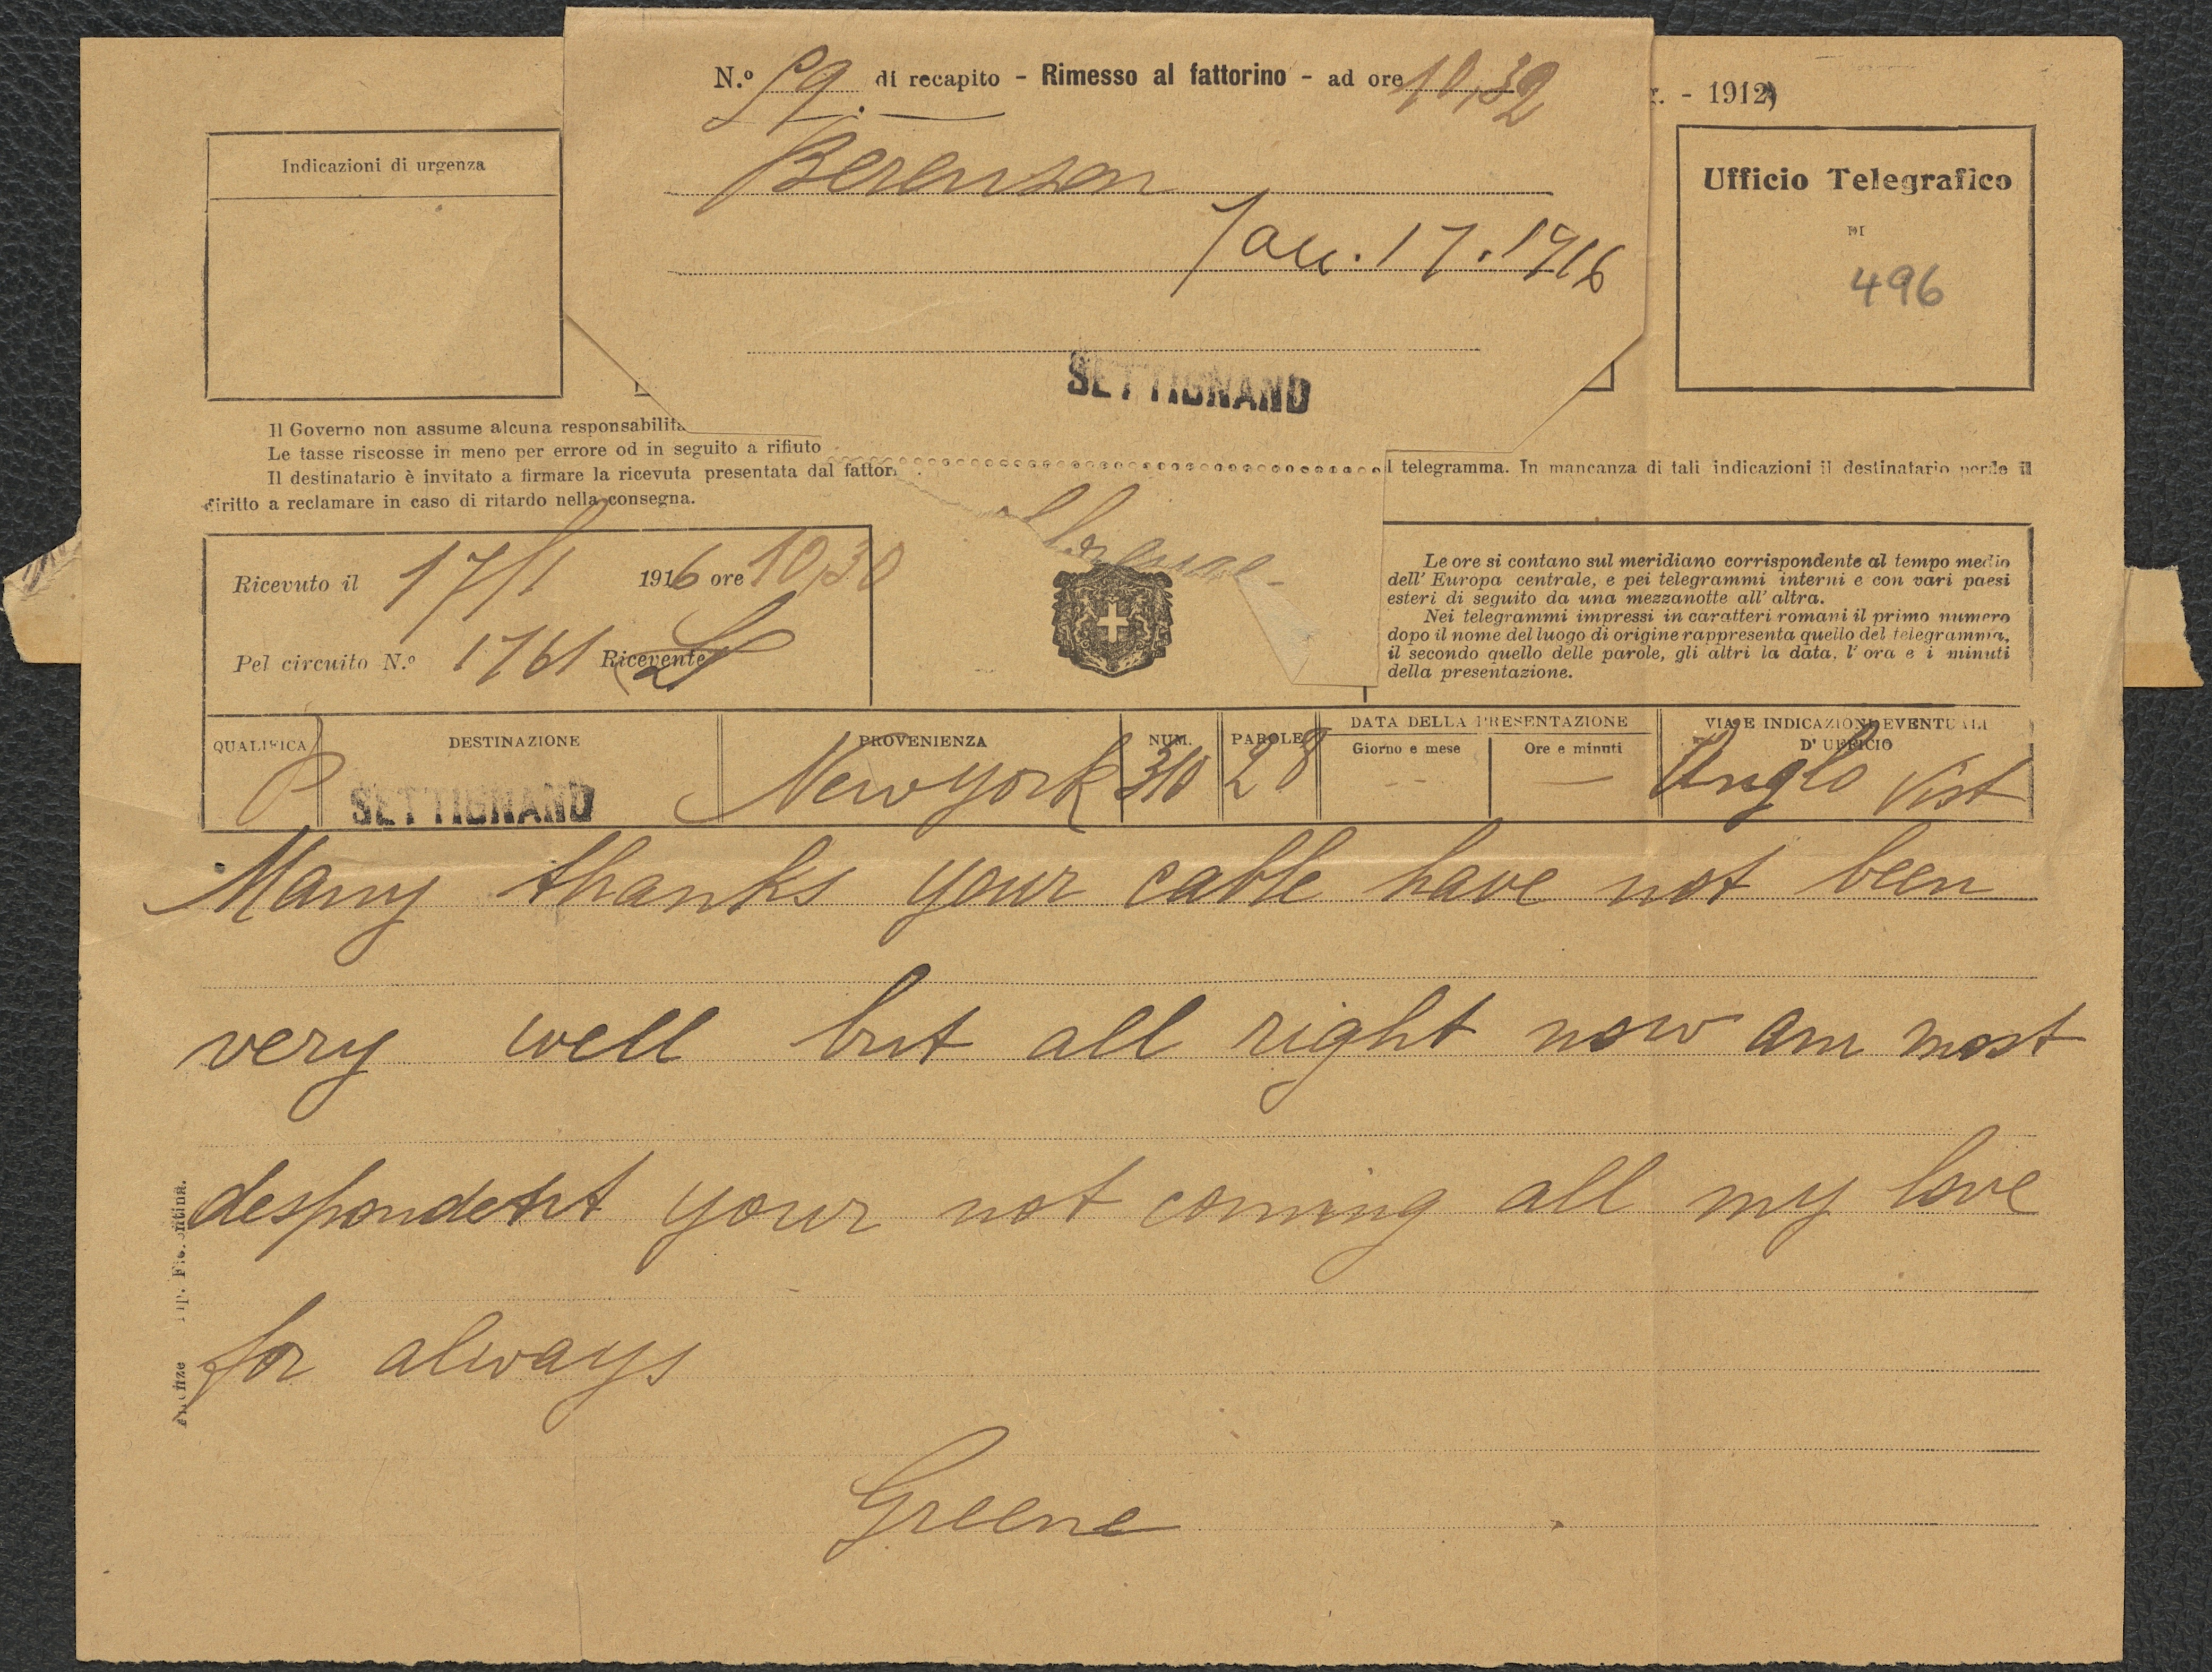Many thanks your cable have not been very well but all right now am most despondent your not coming all my love for always Greene